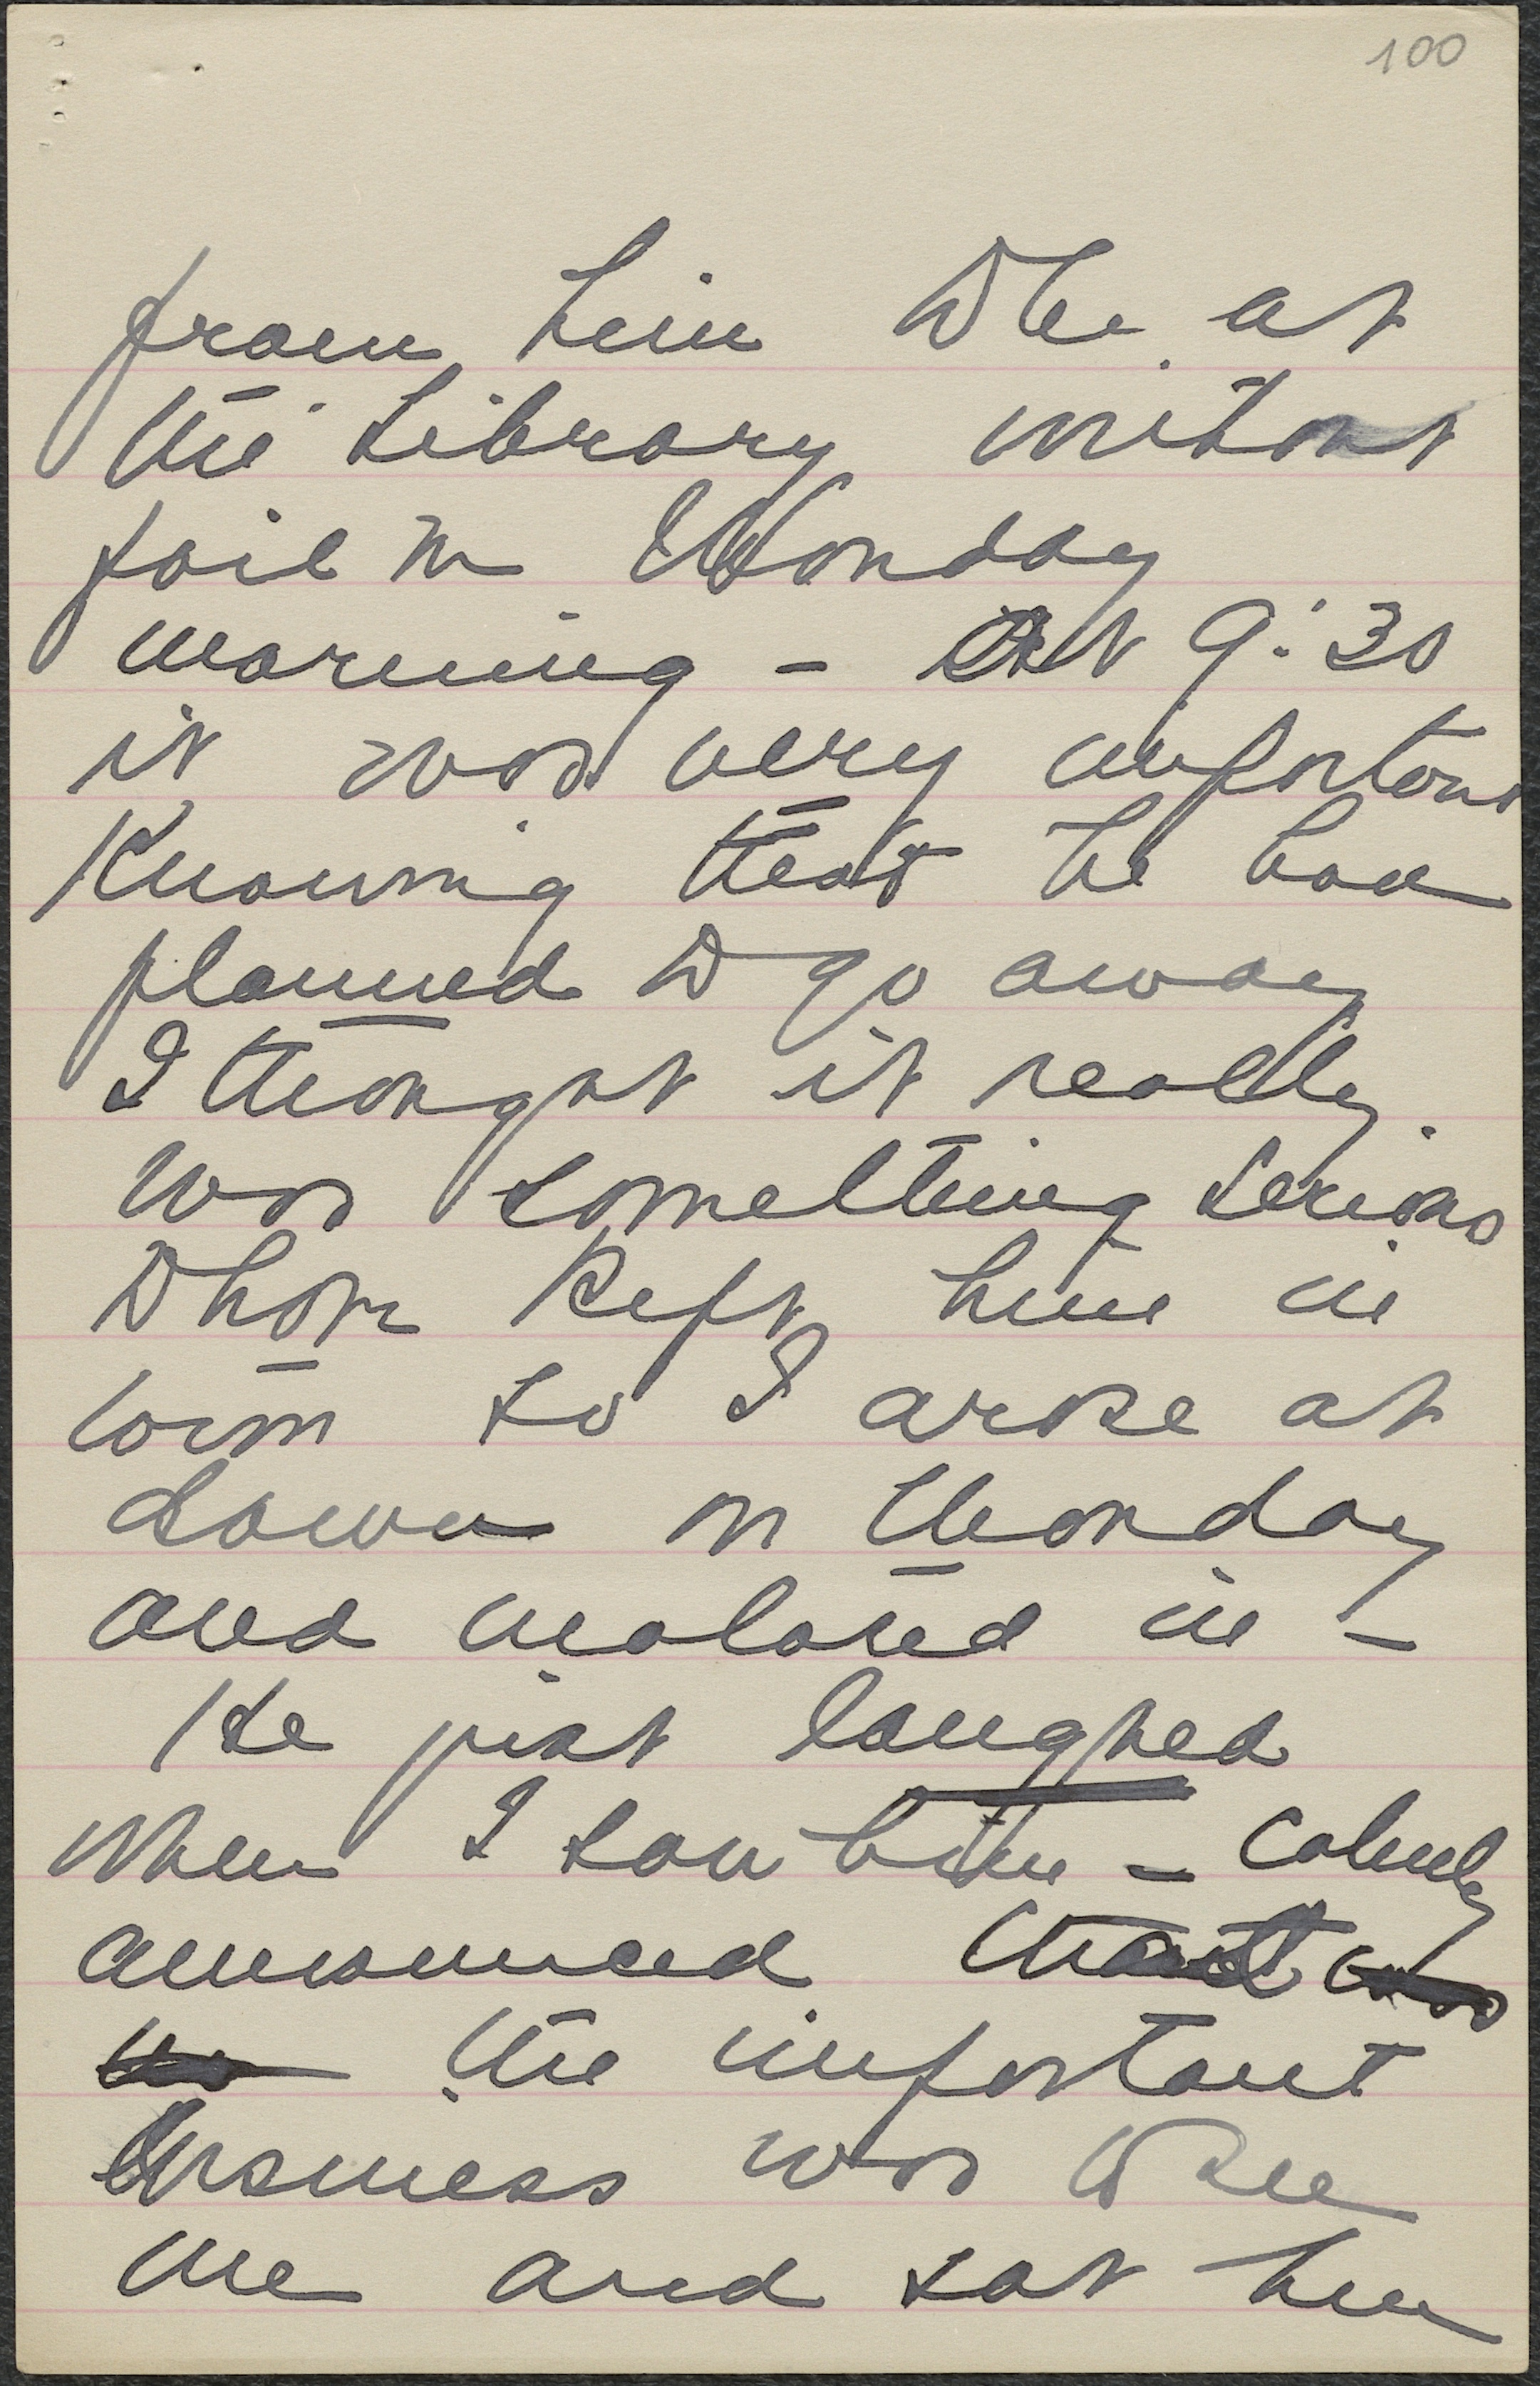from him to be at the Library without fail on Monday morning – at 9:30 it was very important knowing that he had planned to go away I thought it really was something serious to have kept him in town so I arose at dawn on Monday and motored in – He just [double underlined: laughed] when I saw him – calmly announced that was no the important business was to see me and sat here